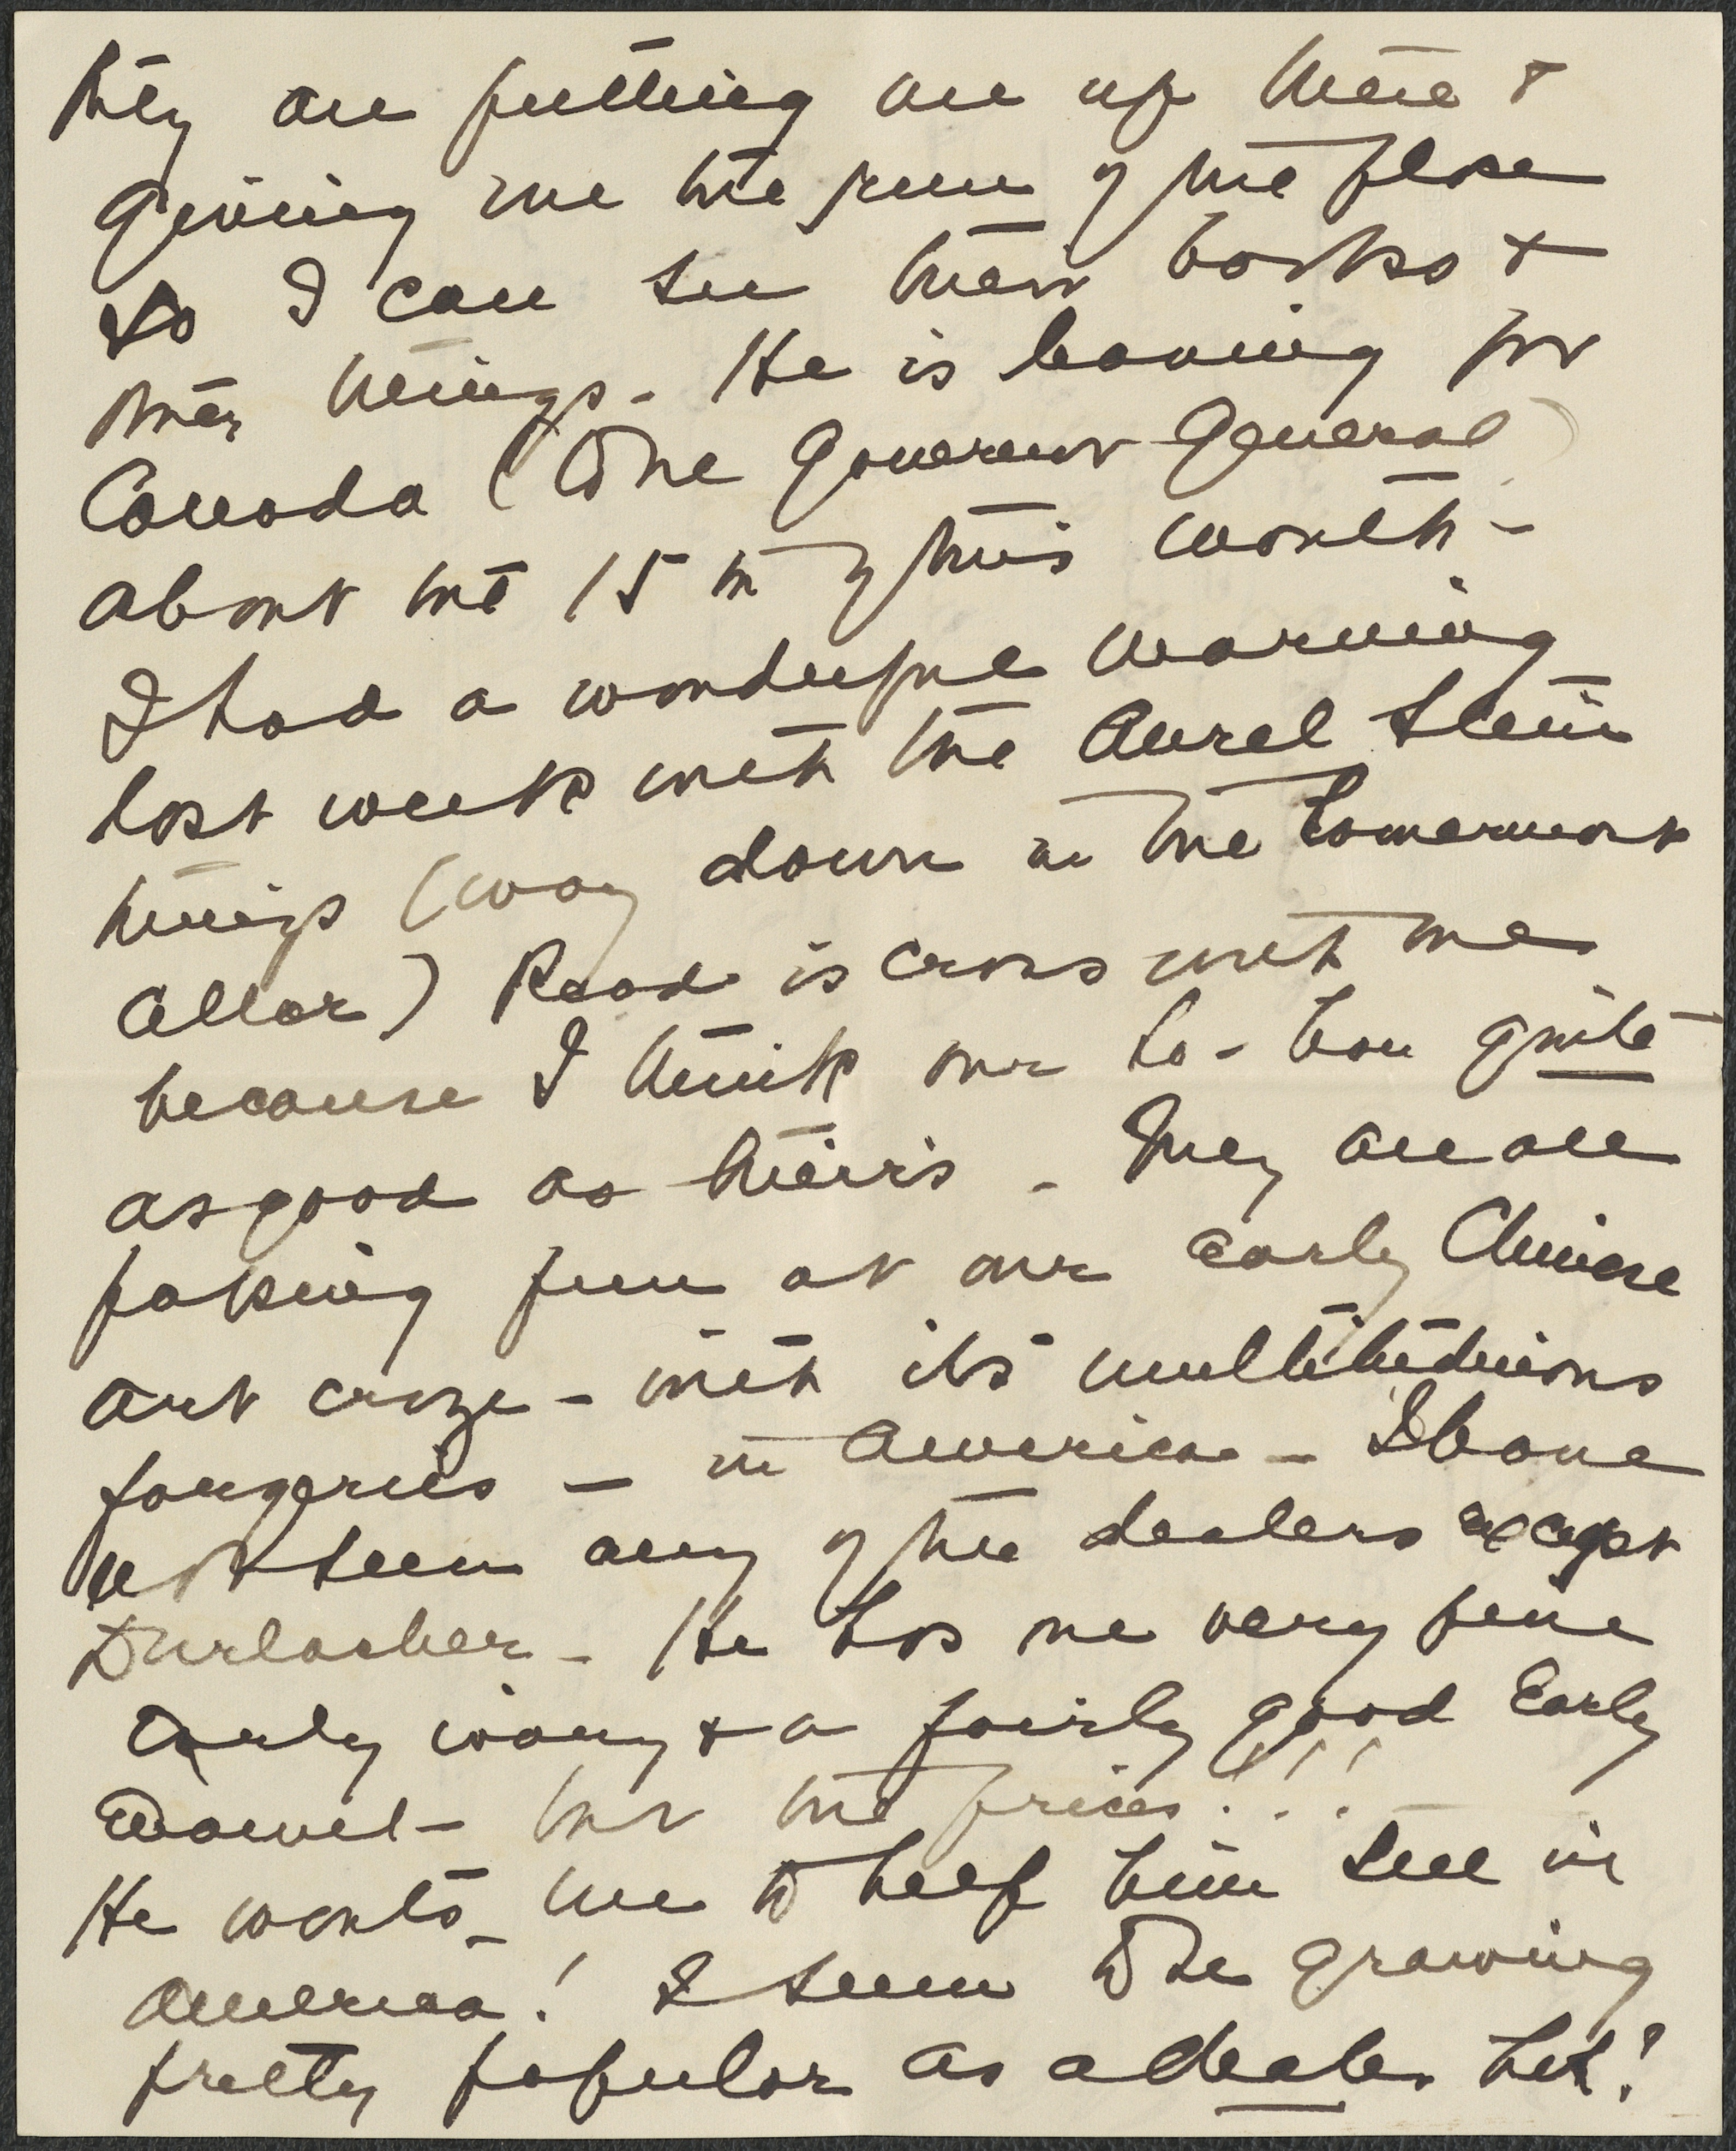they are putting me up there & giving me the run of the place so I can see their books & other things – He is leaving for Canada (to the Governor General) about the 15th of this month – I had a wonderful morning last week with the Aurel Stein things (way down in the lowermost cellar) Read is cross with me because I think our Lo-Han quite as good as their’s – They are all poking fun at our early Chinese art craze – with its multitudinous forgeries – in America – I have not seen any of the dealers except Durlacher – He has one very fine early ivory & a fairly good early enamel – but the prices!!! –
He wants me to help him sell in America! I seem to be growing pretty popular as a dealer huh?